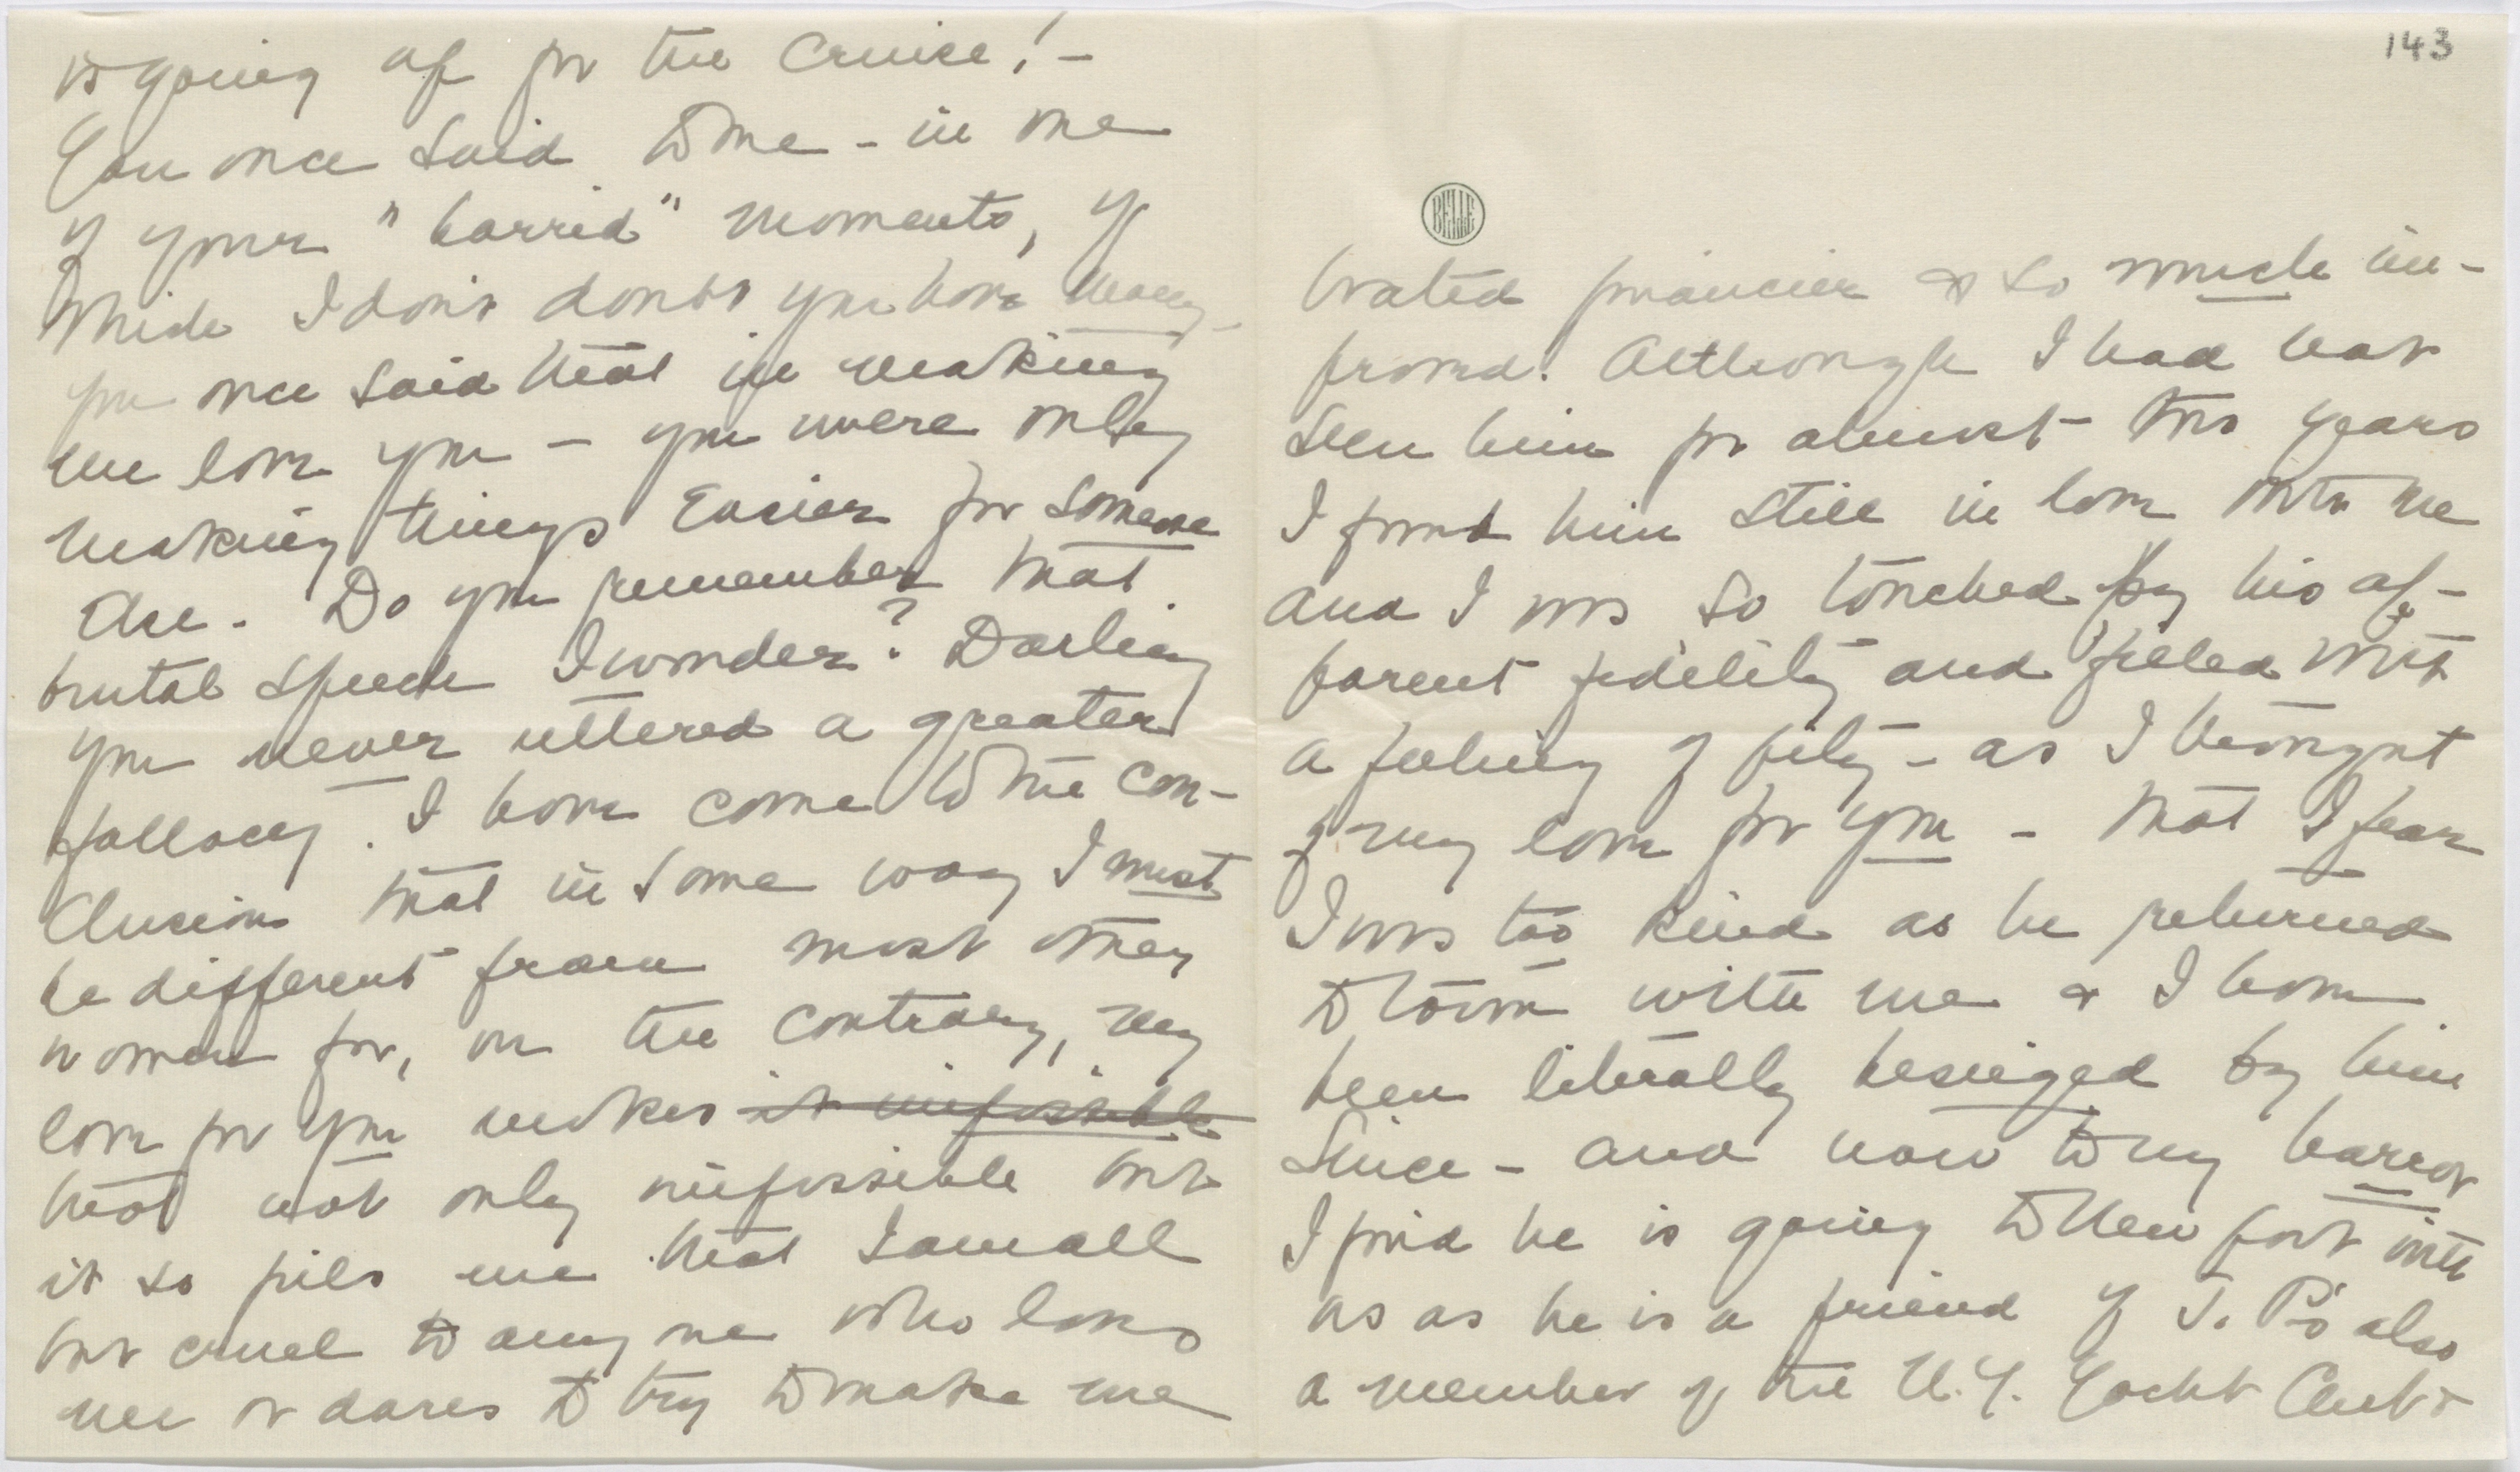financier & so much improved. Although I had not seen him for almost two years I found him still in love with me and I was so touched by his apparent fidelity and filled with a feeling of pity – as I thought of my love for you – that I fear I was too kind as he returned to town with me & I have been literally besieged by him since – and now to my [double underlined: horror] I find he is going to Newport with us as he is a friend of J. P’s also a member of the N.Y. Yacht Club &
is going up for the cruise! – You once said to me – in one of your “horrid” moments, of which I don’t doubt you have many – you once said that in making me love you – you were only making things easier for someone else – Do you remember that brutal speech I wonder? Darling you never uttered a greater fallacy. I have come to the conclusion that in some way I must be different from most other women for, on the contrary, my love for you makes it impossible that not only impossible but it so fils [sic] me that I am all but cruel to any one who loves me or dares to try to make me